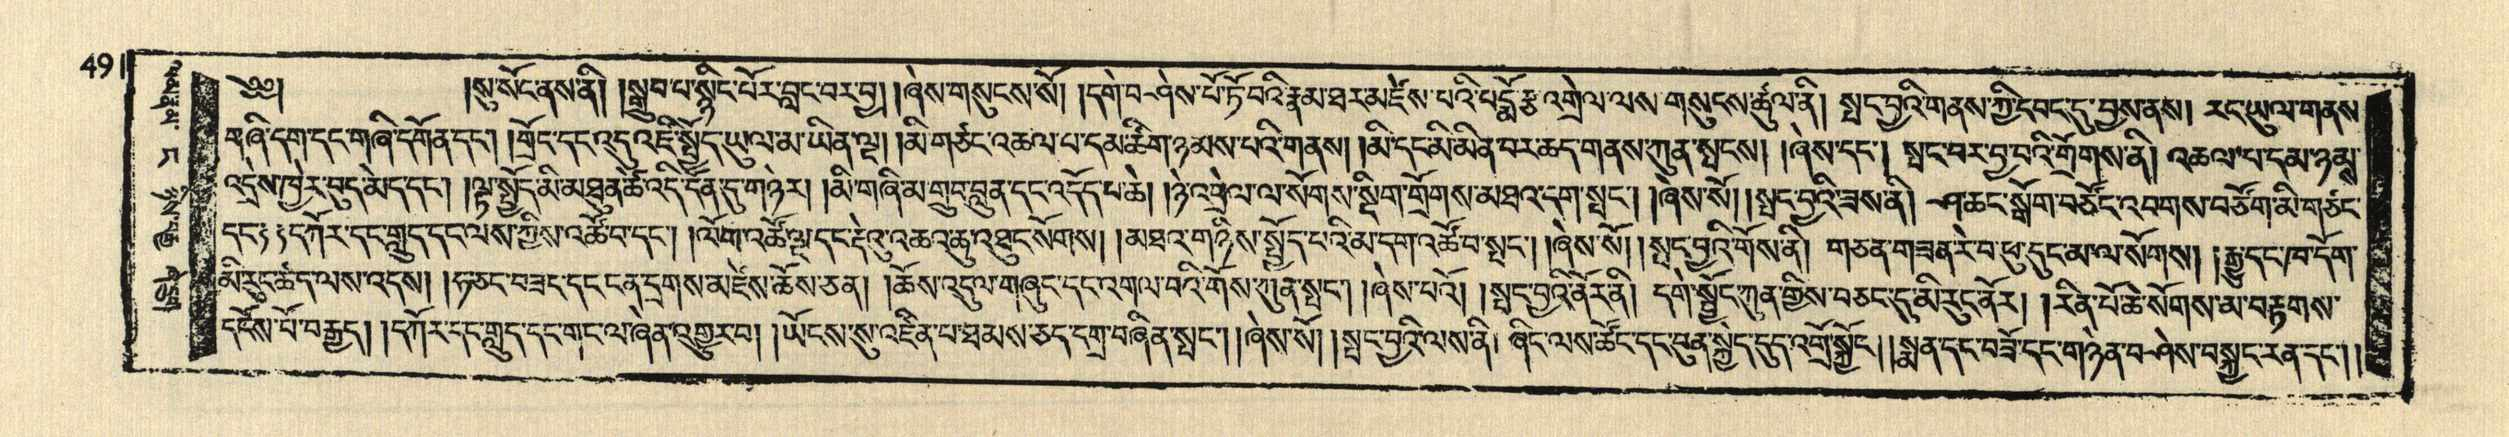།སུ་སོང་ནས་ནི། །སྒྲུབ་པ་སྙིང་པོར་བླང་བར་བྱ། །ཞེས་གསུངས་སོ། །དགེ་བཤེས་པོ་ཏོ་བའི་རྣམ་ཐར་མཛེས་པའི་པདམོ་རྩ་འགྲེལ་ལས་གསུངས་ཚུལ་ནི། སྤང་བྱའི་གནས་ཀྱི་དབང་དུ་བྱས་ནས། རང་ཡུལ་གནས་
གཞི་དག་དང་གཞི་དགོན་དང་། །གྲོང་དང་འདུ་འཛི་སྤྱོད་ཡུལ་མ་ཡིན་ལྔ། །མི་གཙང་འཆལ་པ་དམ་ཚིག་ཉམས་པའི་གནས། །མི་དང་མི་མིན་བར་ཆད་གནས་ཀུན་སྤངས། །ཞེས་དང་། སྤང་བར་བྱ་བའི་གྲོགས་ནི། འཆལ་པ་དམ་ཉམས་
འདྲེས་ཁྱེར་བུད་མེད་དང་། །ལྟ་སྤྱོད་མི་མཐུན་ཚེ་འདི་དོན་དུ་གཉེར། །མི་གཞི་མ་གྲུབ་བླུན་དང་འདོད་པ་ཆེ། །ཉེ་འབྲེལ་ལ་སོགས་སྡིག་གྲོགས་མཐའ་དག་སྤང་། །ཞེས་སོ། །སྤང་བྱའི་ཟས་ནི། ཤ་ཆང་སྒོག་བཙོང་འབགས་བཙོག་མི་གཙང་
དང༑ ༑དཀོར་དང་གླུད་དང་ལས་ཀྱིས་འཚོ་བ་དང་། །ལོག་འཚོ་ལྔ་དང་རྡེའུ་འཆའ་ཆུ་འཐུང་སོགས། །མཐའ་གཉིས་སྤྱོད་པའི་མ་དག་འཚོ་བ་སྤང་། །ཞེས་སོ། །སྤང་བྱའི་གོས་ནི། གཅན་གཟན་རེ་བ་ཕུ་དུང་མ་ལ་སོགས། །རྒྱུ་དང་ཁ་དོག་
མི་རུང་ཚད་ལས་འདས། །ཧ་ཅང་བཟང་དང་ངན་དྲགས་མཛེས་ཆོས་ཅན། །ཆོས་འདུལ་གཞུང་དང་འགལ་བའི་གོས་ཀུན་སྤང་། །ཞེས་པའོ། །སྤང་བྱའི་ནོར་ནི། དགེ་སྤྱོད་ཀུན་གྱིས་བཅང་དུ་མི་རུང་ནོར། །རིན་པོ་ཆེ་སོགས་མ་བརྟགས་
དངོས་པོ་བརྒྱད། །དཀོར་དང་གླུད་དང་གང་ལ་ཞེན་འགྱུར་བ། །ཡོངས་སུ་འཛིན་པ་ཐམས་ཅད་དགྲ་བཞིན་སྤང་། །ཞེས་སོ། །སྤང་བྱའི་ལས་ནི། ཞིང་ལས་ཚོང་དང་བུན་སྐྱེད་དུད་འགྲོ་སྐྱོང་། །སྨན་དང་བཟོ་དང་གཉེན་བཤེས་བསྐྱང་རན་དང།།